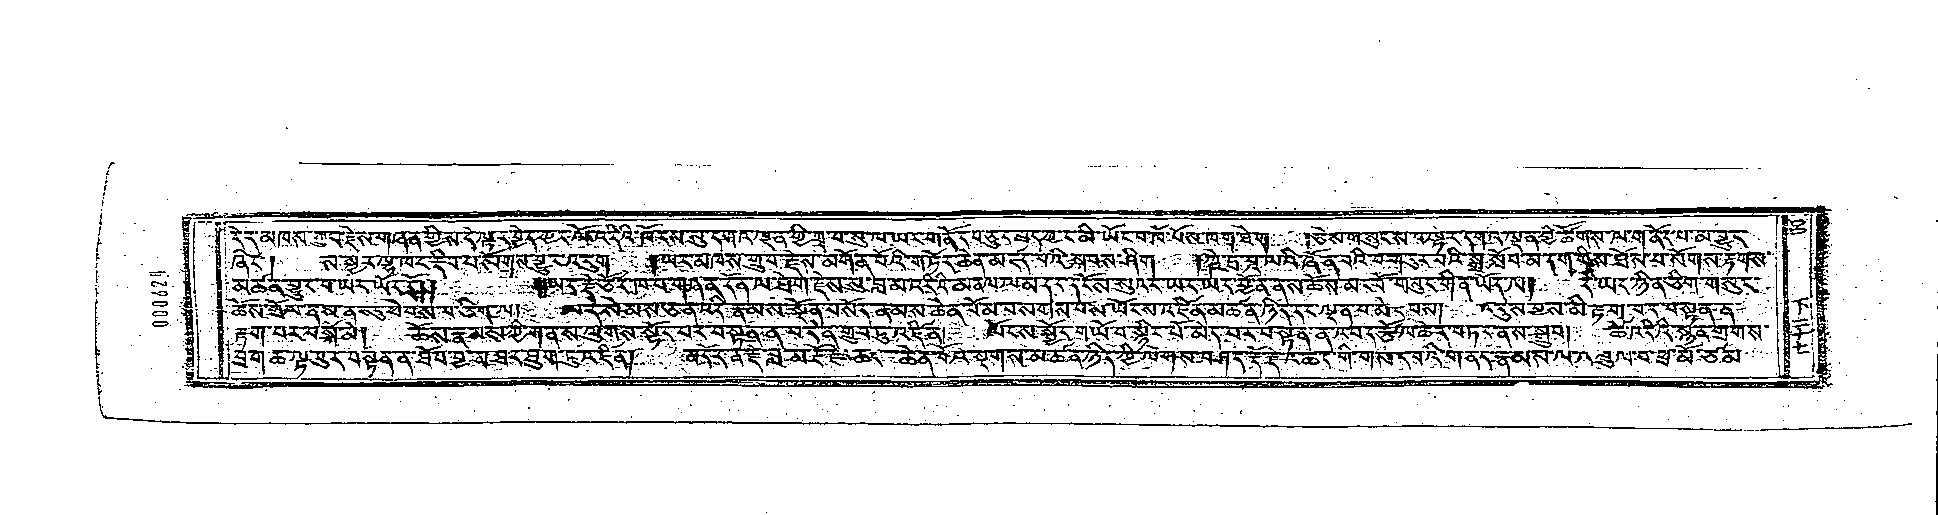དེར་མཁས་གྲུབ་རྗེས་གཞན་གྱིས་དེ་ལྟར་བྱེད་ཀྱང་ལོ་འདིའི་ཁོངས་སུ་དགའ་ལྡན་གྱི་གྲྭ་པ་སུ་ལ་ཡང་གནོད་པ་ཅུང་ཟད་ཀྱང་མི་ཡོང་བ་ཁོ་པོས་ཁག་ཐེག །ཅེས་གསུངས་པ་ལྟར་དགའ་ལྡན་གྱི་ཚོགས་ལ་གནོད་པ་མ་བྱུང་
ཞིང་། ས་སྐྱར་ལྷ་ཁང་རྡིབ་པ་སོགས་བྱུང་འདུག །ཡང་མཁས་གྲུབ་རྗེས་མགོན་པོའི་གཏོར་ཆེན་མཛད་པའི་སྐབས་ཤིག །ཀྵེ་ཏྲ་པཱ་ལའི་ཞོན་པའི་ཕག་དུར་བའི་སྒྲ་སློབ་མ་དག་གིས་ཐོས་པ་སོགས་རྟགས་
མཚན་བྱུང་བ་ཡང་ཡོང་ངོ།། །།ཡང་རྗེ་ཙོང་ཁ་པ་གཞན་དོན་ལ་ཐེག་རྗེས་སུ་བླ་མ་འདིའི་མནལ་ལམ་དང་དངོས་སུའང་ཡང་ཡང་བྱོན་ནས་ཆོས་མང་པོ་གསུང་གིན་ཡོད་ལ། དེ་ཡང་ཉིན་ཅིག་གསུང་
ཆོས་གྲོལ་ནས་ནང་དུ་ཕེབས་པ་ཅིག་ལ། ལར་སེམས་ཅན་འདི་རྣམས་སྔོན་བསོད་ནམས་ཆེན་པོ་མ་བསགས་པས་ཡོངས་འཛིན་མཚན་ཉིད་དང་ལྡན་པ་མེད་པས། འདུས་བྱས་མི་རྟག་བར་བསྟན་ན་
རྟག་པར་བསྐོ་མེ། ཆོས་རྣམས་ཀྱི་གནས་ལུགས་སྟོང་པར་བསྟན་ན་བདེན་གྲུབ་ཏུ་འཛིན། ལོངས་སྤྱོད་གཡོ་བ་སྙིང་པོ་མེད་པར་བསྟན་ན་འབད་རྩོལ་ཆེར་བཏང་ནས་སྒྲུབ། ཚེ་འདིའི་སྙན་གྲགས་
བྲག་ཆ་ལྟ་བུར་བསྟན་ན་ཐོབ་བྱ་མཐར་ཐུག་ཏུ་འཛིན། མདོར་ན་རྗེ་བླ་མ་རྡོ་རྗེའི་ཆང་ཆེན་པོའི་སྔགས་མཚན་ཉིད་ཀྱི་ལེགས་བཤད་རྡོ་རྗེ་འཆང་གི་གསང་བའི་གནད་རྣམས་ལ་འཁྲུལ་བ་ཕྲ་མོ་ཙམ་